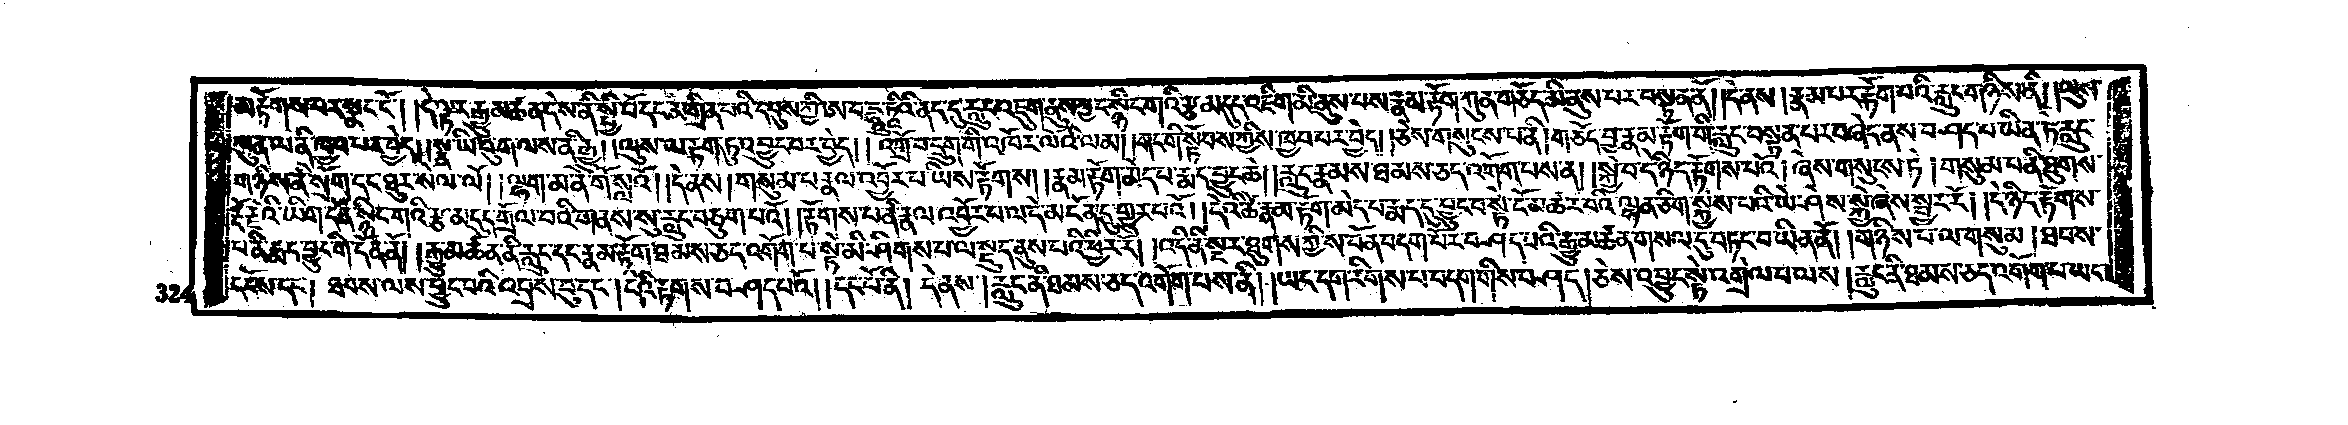མ་རྟོགས་པར་སྣང་ངོ། །དེ་ལྟར་རྒྱུ་མཚན་དེས་ནི་སྤྱི་བོ་དང་མགྲིན་པའི་དབུས་ཀྱི་ཨ་བ་དྷཱུ་ཏཱིའི་ནང་དུ་རླུང་འཇུག་ནུས་ཀྱང་སྙིང་གའི་རྩ་མདུད་འཇིག་མི་ནུས་པས་རྣམ་རྟོག་ཀུན་གཅོད་མི་ནུས་པར་བསྟན་ཏོ། །དེ་ནས། རྣམ་པར་རྟོག་པའི་རླུང་གཉིས་ནི། །ལུས་
ཀུན་ལ་ནི་ཁྱབ་པར་བྱེད། །སྣ་ཡི་བུ་ག་ལས་ནི་རྒྱུ། །ལུས་ལ་རྟག་ཏུ་འབྱུང་བར་བྱེད། །འགྲོ་བ་དྲུག་གི་འཁོར་ལོའི་ལམ། །གང་གི་སྟོབས་ཀྱིས་ཁྱབ་པར་བྱེད། །ཅེས་གསུངས་པ་ནི། གཅོད་བྱ་རྣམ་རྟོག་གི་རླུང་བསྟན་པར་བཞེད་ནས་བཤད་པ་ཡིན་ཏེ་རླུང་
གཉིས་ནི་སྲོག་དང་ཐུར་སེལ་ལོ། །ལྷག་མ་ནི་གོ་སླའོ། །དེ་ནས། གསུམ་པ་རྣལ་འབྱོར་པ་ཡིས་རྟོགས། །རྣམ་རྟོག་མེད་པ་རྨད་བྱུང་ཆེ། །རླུང་རྣམས་ཐམས་ཅད་འགོག་པས་ན། །སྐྱེ་བ་དེ་ཉིད་རྟོགས་པའོ། ཞེས་གསུངས་ཏེ། གསུམ་པ་ནི་ཐུགས་
རྡོ་རྗེའི་ཡིག་དོན་སྙིང་གའི་རྩ་མདུད་གྲོལ་བའི་གནས་སུ་རླུང་བཅུག་པའོ། །རྟོགས་པ་ནི་རྣལ་འབྱོར་པ་ལ་དེ་མངོན་དུ་གྱུར་པའོ། །དེའི་ཚེ་རྣམ་རྟོག་མེད་པ་རྨད་དུ་བྱུང་བ་སྟེ་ངོ་མཚར་བའི་ལྷན་ཅིག་སྐྱེས་པའི་ཡེ་ཤེས་སྐྱེ་ཞེས་སྦྱར་རོ། །དེ་ཉིད་རྟོགས་
པ་ནི་སྨད་བྱུང་གི་དོན་ནོ། །རྒྱུ་མཚན་ནི་རླུང་དང་རྣམ་རྟོག་ཐམས་ཅད་འགོག་པ་སྟེ་མི་ཤིགས་པ་ལ་སྡུད་ནུས་པའི་ཕྱིར་རོ། །འདི་ནི་སྔར་ཐུགས་ཀྱི་ས་བོན་བདག་པོར་བཤད་པའི་རྒྱུ་མཚན་གསལ་དུ་བཏང་བ་ཡིན་ནོ། །གཉིས་པ་ལ་གསུམ། ཐབས་
དངོས་དང་། ཐབས་ལས་བྱུང་བའི་འབྲས་བུ་དང་། དེའི་རྟགས་བཤད་པའོ། །དང་པོ་ནི། དེ་ནས། རླུང་ནི་ཐམས་ཅད་འགོག་པས་ནི། །ཡང་དག་རིགས་པ་བདག་གིས་བཤད། ཅེས་འབྱུང་སྟེ་འགྲེལ་བ་ལས། རླུང་ནི་ཐམས་ཅད་འགོག་པ་ཡང་།